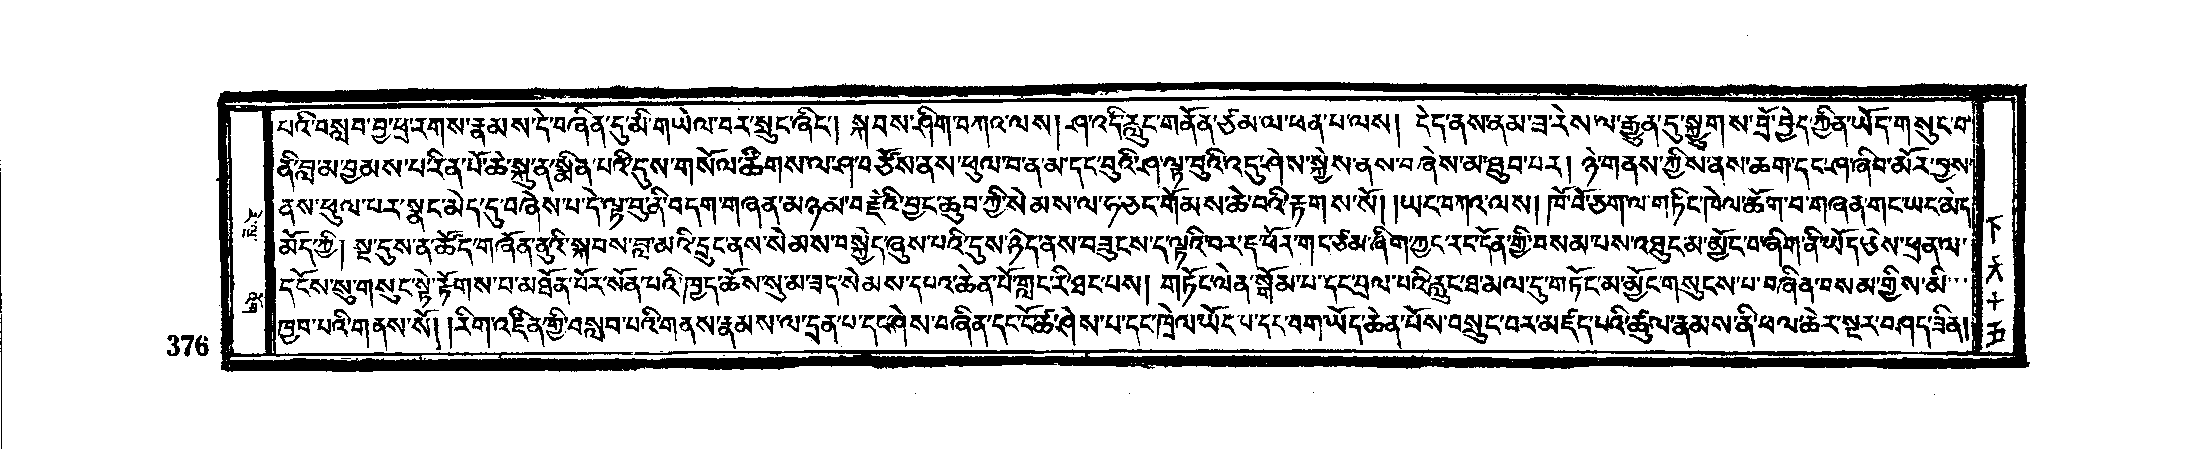པའི་བསླབ་བྱ་ཕྲ་རགས་རྣམས་དེ་བཞིན་དུ་མི་གཡེལ་བར་སྲུང་ཞིང་། སྐབས་ཤིག་བཀའ་ལས། ཤ་འདི་རླུང་གནོན་ཙམ་ལ་ཕན་པ་ལས། ངེད་ནས་ནམ་ཟ་རེས་ལ་རྒྱུན་དུ་སྐྱུགས་བྲོ་བྱེད་ཀྱིན་ཡོད་གསུང་བ་
ནི་བླ་མ་བྱམས་པ་རིན་པོ་ཆེ་སྐུ་ན་སྨིན་པའི་དུས་གསོལ་ཚིགས་ལ་ཤ་བཙོས་ནས་ཕུལ་བ་ན་མ་དང་བུའི་ཤ་ལྟ་བུའི་འདུ་ཤེས་སྐྱེས་ནས་བཞེས་མ་ཐུབ་པར། ཉེ་གནས་ཀྱིས་ནས་ཆག་དང་ཤ་ཞིབ་མོར་བྱས་
ནས་ཕུལ་པར་སྣང་མེད་དུ་བཞེས་པ་དེ་ལྟ་བུ་ནི་བདག་གཞན་མཉམ་བརྗེའི?་བྱང་ཆུབ་ཀྱི་སེམས་ལ་ཧ་ཅང་གོམས་ཆེ་བའི་རྟགས་སོ། །ཡང་བཀའ་ལས། ཁོ་བོ་ཅག་ལ་གཏིང་ཁེལ་ཆོག་བ་གཞན་གང་ཡང་མེད་
མོད་ཀྱི། སྔ་དུས་ན་ཚོད་གཞོན་ནུའི་སྐབས་བླ་མའི་དྲུང་ནས་སེམས་བསྐྱེད་ཞུས་པའི་དུས་ཉིད་ནས་བཟུངས་ད་ལྟའི་བར་ཇ་ཕོར་གང་ཙམ་ཞིག་ཀྱང་རང་དོན་གྱི་བསམ་པས་འཐུང་མ་མྱོང་བ་ཞིག་ནི་ཡོད་ཅེས་ཕྲན་ལ་
དངོས་སུ་གསུང་སྟེ་རྟོགས་པ་མཐོན་པོར་སོན་པའི་ཁྱད་ཆོས་སུ་མ་ཟད་སེམས་དཔའ་ཆེན་པོ་གླང་རི་ཐང་པས། གཏོང་ལེན་སྒོམ་པ་དང་བྲལ་པའི་རླུང་ཐ་མལ་དུ་གཏོང་མ་མྱོང་གསུངས་པ་བཞིན་བསམ་གྱིས་མི་
ཁྱབ་པའི་གནས་སོ། །རིག་འཛིན་གྱི་བསླབ་པའི་གནས་རྣམས་ལ་དྲན་པ་དང་ཤེས་བཞིན་དང་ངོ་ཚ་ཤེས་པ་དང་ཁྲེལ་ཡོང་པ་དང་བག་ཡོད་ཆེན་པོས་བསྲུང་བར་མཛད་པའི་ཚུལ་རྣམས་ནི་ཕལ་ཆེར་སྔར་བཤད་ཟིན།